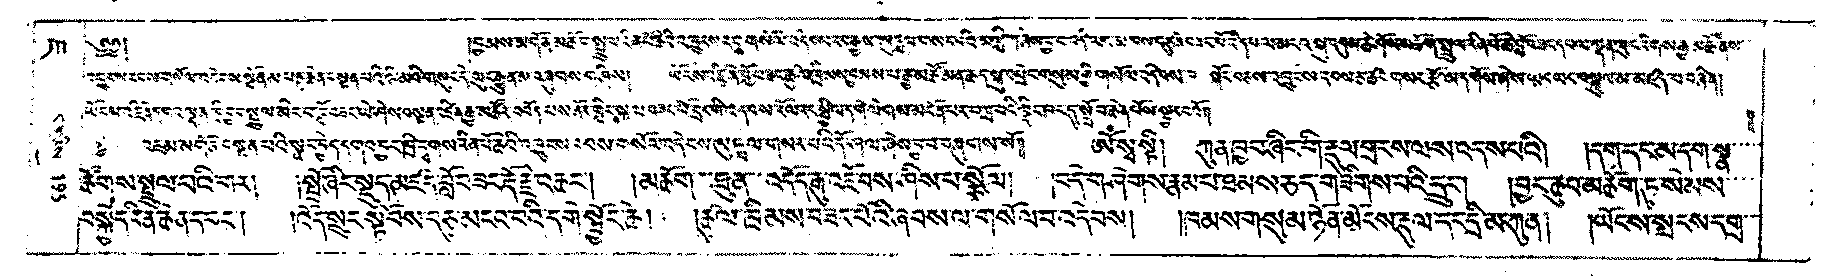༄༅། །བྱམས་མགོན་མཆོག་སྤྲུལ་རིན་པོ་ཆེའི་འཁྲུངས་རབས་གསོལ་འདེབས་རབ་རྒྱས་ཨུཏྤལ་གསར་པའི་མལླི་ཀ་ཞེས་བྱ་བ་འདི་ཡང་མཁས་བཙུན་བཟང་པོའི་དཔལ་མངའ་སྐུ་འབུམ་ཆེ་ཤོས་མཆོག་སྤྲུལ་རིན་པོ་ཆེ་བློ་བཟང་དཔལ་ལྡན་ལུང་རིགས་རྒྱ་མཚོ་ནས་
འཁྲུངས་རབས་གསོལ་འདེབས་སྔོན་མ་པཎ་ཆེན་བསྟན་པའི་ཉི་མའི་གསུང་དེ་ལུང་རྒྱུན་མ་བཞུགས་གཤིས། ཡོངས་འཛིན་བློ་བཟང་ཚུལ་ཁྲིམས་བྱམས་པ་རྒྱ་མཚོ་མན་ཆད་སྐུ་འཕྲེང་གསུམ་གྱི་གསོལ་འདེབས་ཁ་སྐོང་བཅས་འཁྲུངས་རབས་ཆ་ཚང་གསར་རྩོམ་དགོས་ཞེས་ཡང་ཡང་བསྐུལ་མ་མཛད་པ་བཞིན།
ཡོངས་འཛིན་དགའ་ལྡན་ཁྲི་བྱང་སྤྲུལ་མིང་པ་བློ་བཟང་ཡེ་ཤེས་བསྟན་འཛིན་རྒྱ་མཚོར་འབོད་པས་ནོར་གླིང་བསྐལ་བཟང་པོ་བྲང་གི་འདབས་རོལ་རང་སྤྱིལ་དགེ་ལེགས་མངོན་པར་བཀྲ་བའི་ལྡིང་ཁང་དུ་སྤྲོ་བ་ཆེན་པོས་སྦྱར་བའོ།། །།
༈ འཇམ་མགོན་བསྟན་པའི་སྣང་བྱེད་དགའ་བྱང་ཁྲི་དྭགས་རིན་པོ་ཆེའི་འཁྲུངས་རབས་གསོལ་འདེབས་ཨུཏྤལ་གསར་པའི་དོ་ཤལ་ཞེས་བྱ་བ་བཞུགས་སོ། །ཨོཾ་སྭ་སྟི། ཀུན་ཁྱབ་ཞིང་གི་རྡུལ་གྲངས་ལས་འདས་པའི། །དག་དང་མ་དག་སྣ་
ཚོགས་སྤྲུལ་པའི་གར། །སྤྲོ་ཞིང་སྡུད་མཛད་བློ་བཟང་རྡོ་རྗེ་འཆང་། །མཆོག་ཐུན་འདོད་རྒུ་འཇོབས་ཤིས་པ་སྩོལ། །བདེ་གཤེགས་རྣམ་པ་ཐམས་ཅད་གཟིགས་པའི་དྲུང་། །བྱང་ཆུབ་མཆོག་ཏུ་སེམས་
བསྐྱེད་རིན་ཆེན་དབང་། །འོད་སྲུང་སྟོབས་བཅུ་མངའ་བའི་དགེ་སྦྱོང་ཆེ། །ཚུལ་ཁྲིམས་བཟང་པོའི་ཞབས་ལ་གསོལ་བ་འདེབས། །ཁམས་གསུམ་ཉོན་མོངས་རྡུལ་དང་དྲི་མ་ཀུན། །ཡོངས་སྤངས་དགར་